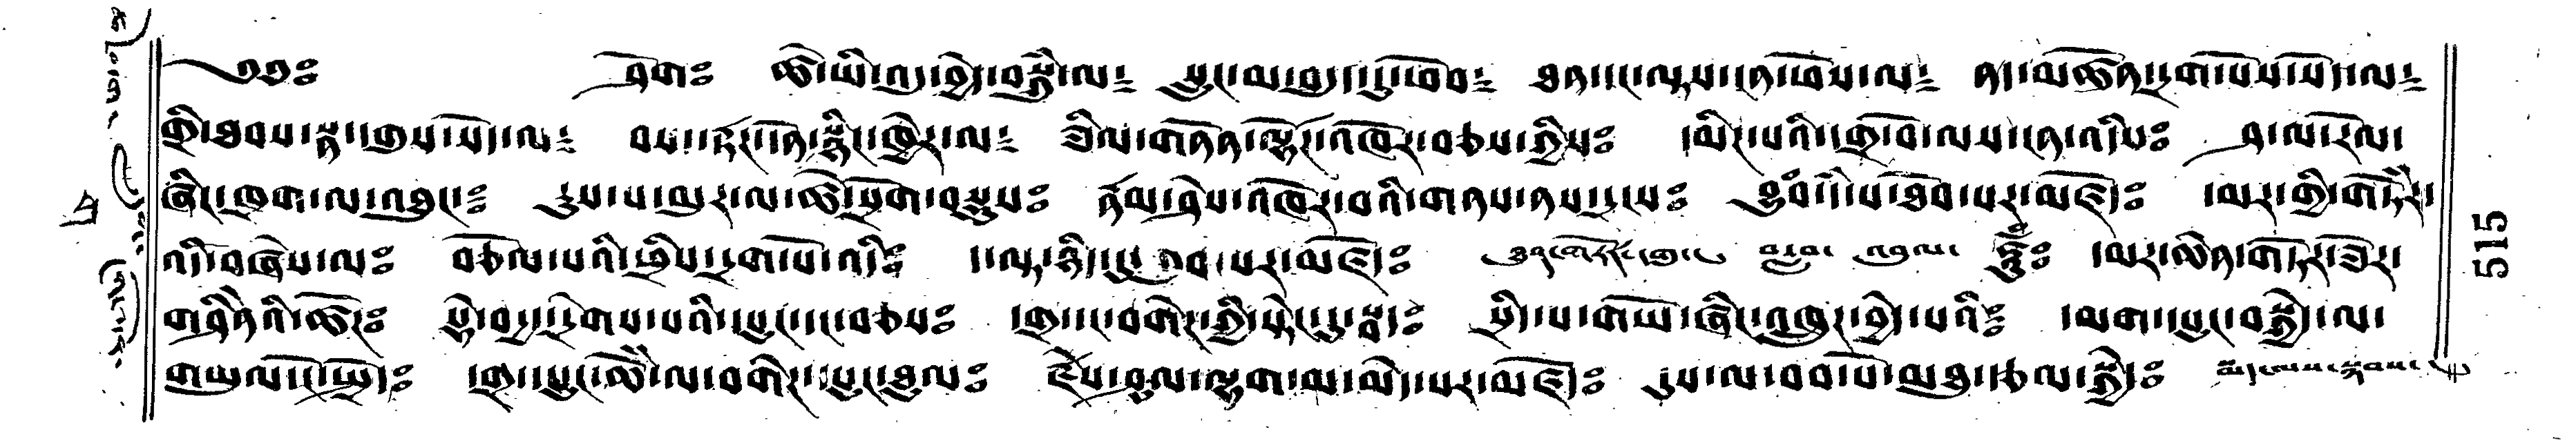ཤོག༔ ཚེ་ཡི་འདུ་བྱེད་འགུམས་ལ༴ སྲུང་མ་བདུད་དུ་ཕོབ༴ ཐན་དང་ལྟས་ངན་ཕོས་ལ༴ ནད་མཚོན་དྲག་པོས་སོད་ལ༴ 
གྲི་ཐབས་སྣ་དགུས་སོད་ལ༴ བསད་རྟགས་དོན་སྙིང་ཁྱེར་ལ༴ ཟིལ་གནོན་ལྷ་ཚོགས་འཁོར་བཅས་ཀྱིས༔ དམིགས་པའི་དགྲ་བོ་ལས་ངན་འདིའི༔ ཤ་ལ་རོལ་
ཞིང་ཁྲག་ལ་འཐུང༔ རུས་པ་མུར་ལ་ཚེ་སྲོག་སྡུས༔ རྣམ་ཤེས་འཁོར་བའི་གནས་ནས་དྲོངས༔ བྱང་ཆུབ་དམ་པ་འཐོབ་པར་མཛོད༔ དམར་གྱི་གཏོར་མ་
འདི་བཞེས་ལ༔ བཅོལ་པའི་ཕྲིན་ལས་དྲག་པོ་འདི༔ ད་ལྟ་ཉིད་དུ་སྒྲུབ་པར་མཛོད༔ ཐུན་གཏོར་དགུ་བརླབས་ནས་འབུལ། ཧཱུྃ༔ དམར་ཆེན་གཏོར་ཟོར་
གཤིན་རྗེའི་ཚོགས༔ སྡེ་བརྒྱད་དྲེགས་པའི་དཔུང་དང་བཅས༔ དགྲ་དང་བགེགས་ཀྱི་སྟེང་དུ་རྦད༔ སྲིད་པ་གཡོ་ཞིང་འཁྲུག་བྱེད་པའི༔དམག་དཔུང་བསྐྱེད་ལ་
གཡུལ་ངོ་སྤྲོད༔ དགྲ་དཔུང་ཆོམས་ལ་བགེགས་དཔུང་ཐུལ༔ རྗེས་ཤུལ་ལྷག་མ་མེད་པར་མཛོད༔ དུས་ལ་བབ་པོ་མཐུ་རྩལ་སྐྱེད༔ སྨད་ལས་སྐབས།